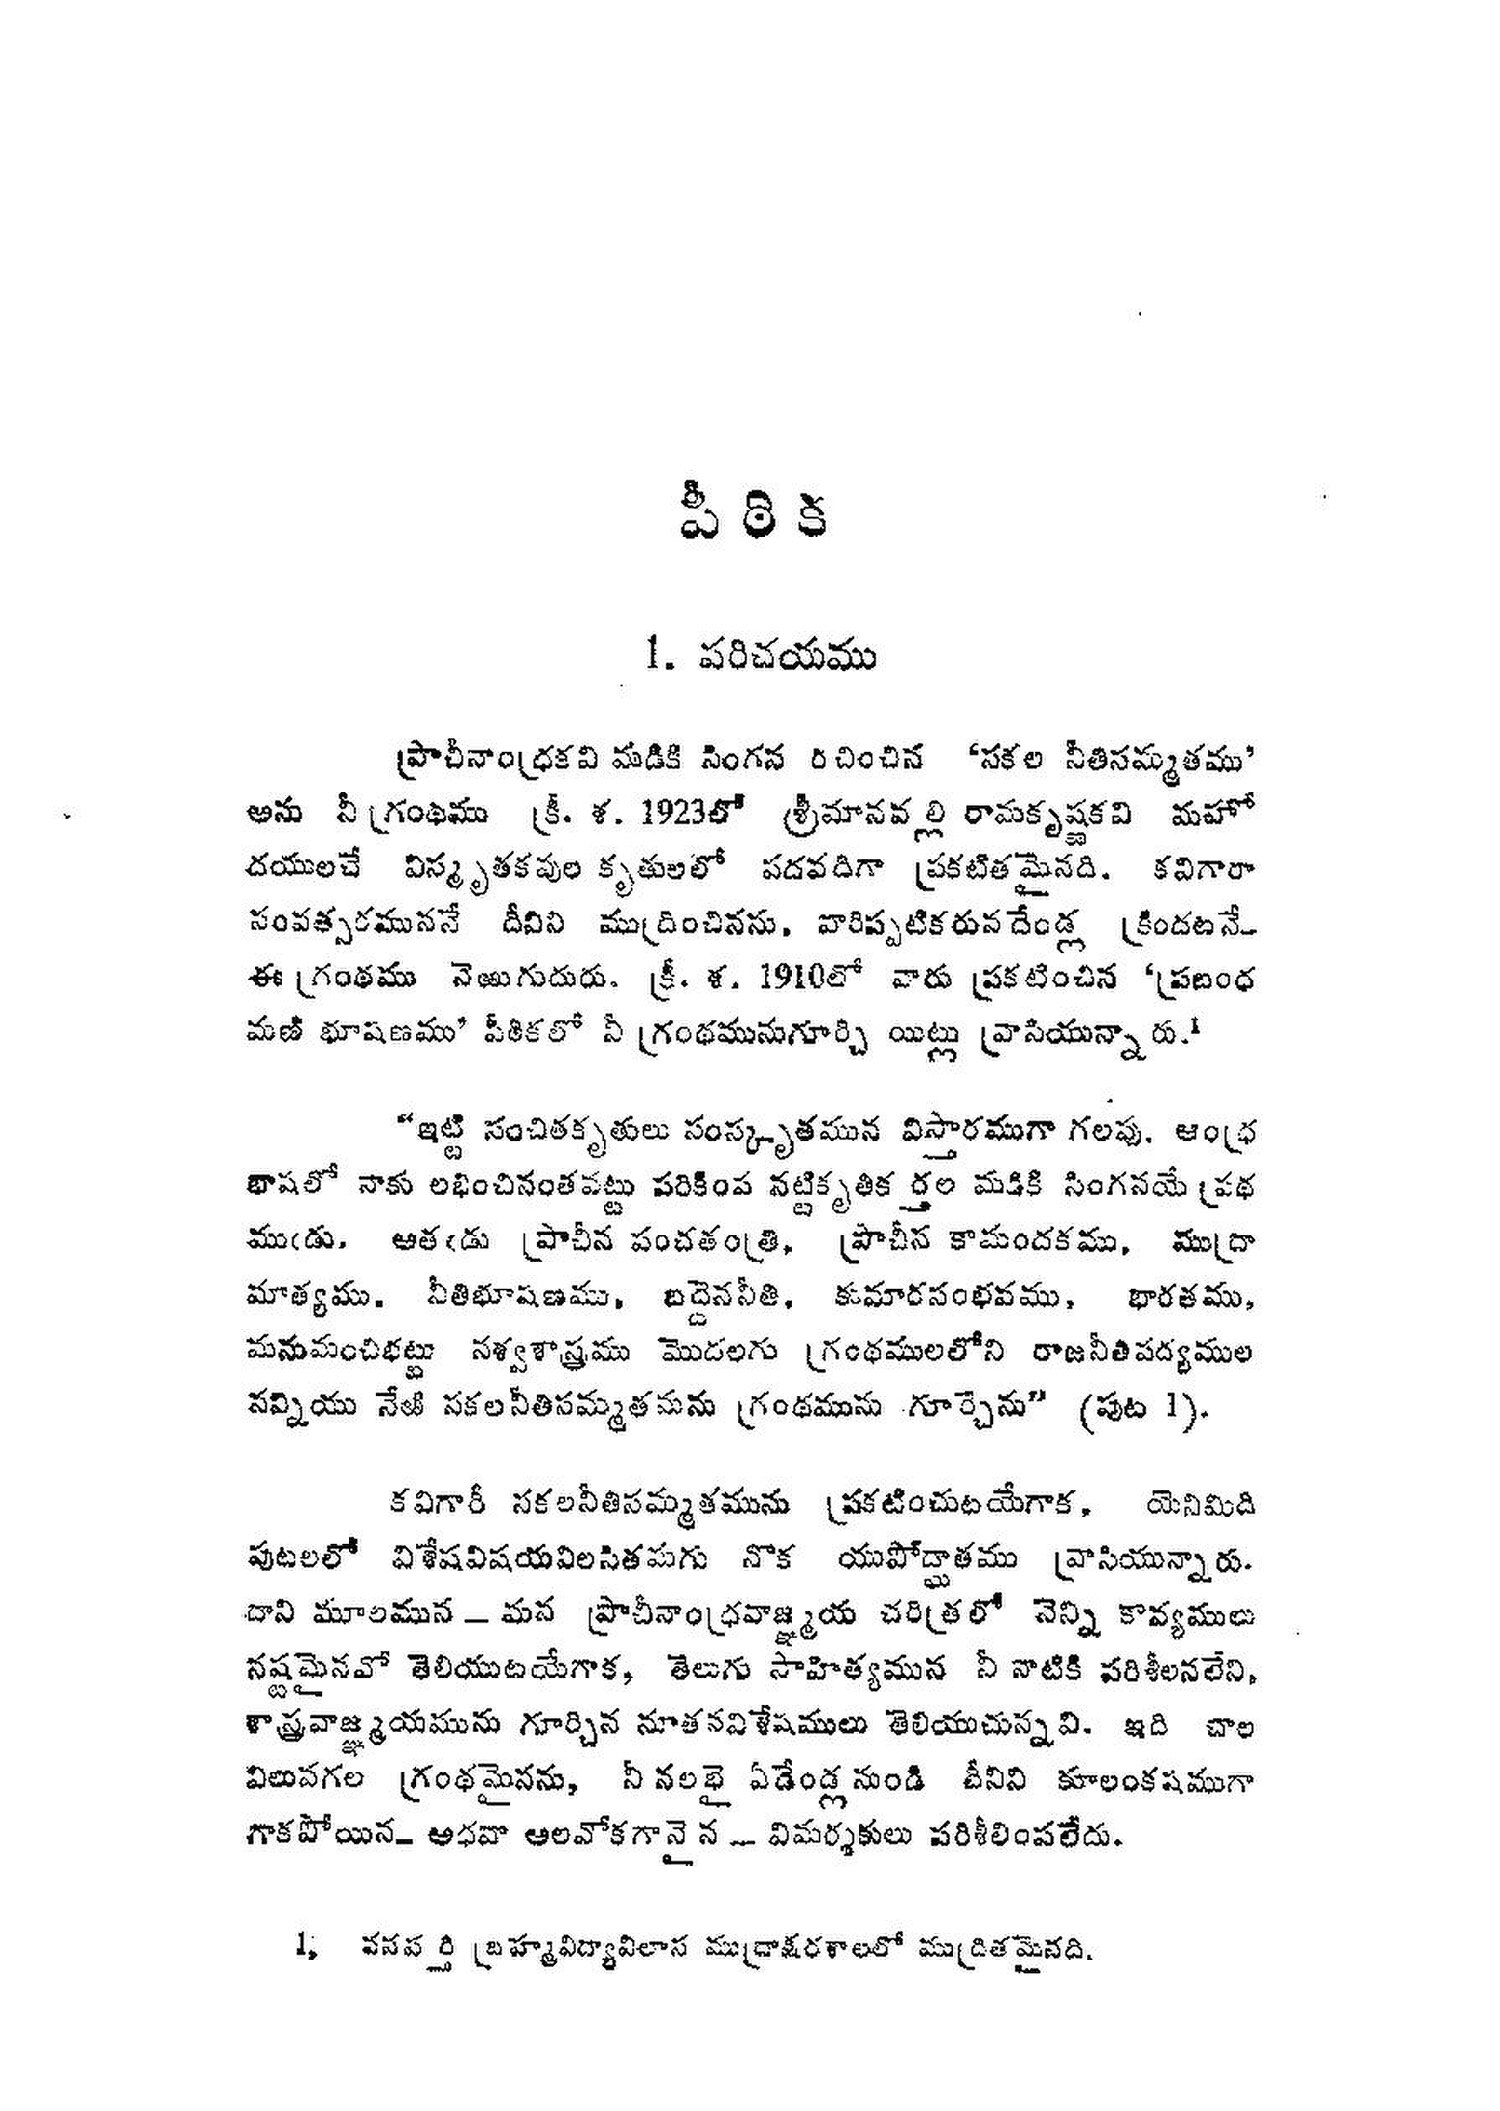పీఠిక
1. పరిచయము
ప్రాచీనాంధ్రకవి మడికి సింగన రచించిన 'సకలనీతిసమ్మతము' అను నీగ్రంథము క్రీ. శ. 1923లో శ్రీమానవల్లి రామకృష్ణకవి మహోదయులచే విస్మృతకవుల కృతులలో పదవదిగా ప్రకటితమైనది. కవిగా రాసంవత్సరముననే దీనిని ముద్రించినను, వా రిప్పటి కరువదేండ్లక్రిందటనే ఈ గ్రంథము నెఱుగుదురు. క్రీ. శ. 1910లో వారు ప్రకటించిన 'ప్రబంధమణిభూషణము' పీఠికలో నీ గ్రంథమునుగూర్చి యిట్లు వ్రాసియున్నారు.

"ఇట్టి సంచితకృతులు సంస్కృతమున విస్తారముగా గలవు. ఆంధ్రభాషలో నాకు లభించినంతవట్టు పరికింప నట్టికృతికర్తల మడికి సింగనయే ప్రథముఁడు, అతఁడు ప్రాచీనపంచతంత్రి, ప్రాచీనకామందకము, ముద్రామాత్యము, నీతిభూషణము, బదైననీతి, కుమారసంభవము, భారతము, మనుమంచిభట్టు నశ్వశాస్త్రము మొదలగు గ్రంథములలోని రాజనీతిపద్యముల నన్నియు నేఱి సకలనీతిసమ్మతమను గ్రంథమును గూర్చెను” (పుట 1).

కవిగా రీసకలనీతిసమ్మతమును ప్రకటించుటయేగాక, యెనిమిది పుటలలో విశేషవిషయవిలసితమగు నొకయుపోద్ఘాతము వ్రాసియున్నారు. దాని మూలమున మన ప్రాచీనాంధ్రవాఙ్ఞ్మయచరిత్రలో నెన్నికావ్యములు నష్టమైనవో తెలియుటయేగాక, తెలుగుసాహిత్యమున నీనాటికి పరిశీలనలేని, శాస్త్రవాఙ్ఞ్మయమును గూర్చిన నూతనవిశేషములు తెలియుచున్నవి. ఇది చాల విలువగల గ్రంథమైనను, నీ నలభై ఏడేండ్లనుండి దీనిని కూలంకషముగా గాకపోయిన - అథవా అలవోకగానైన - విమర్శకులు పరిశీలింపలేదు.